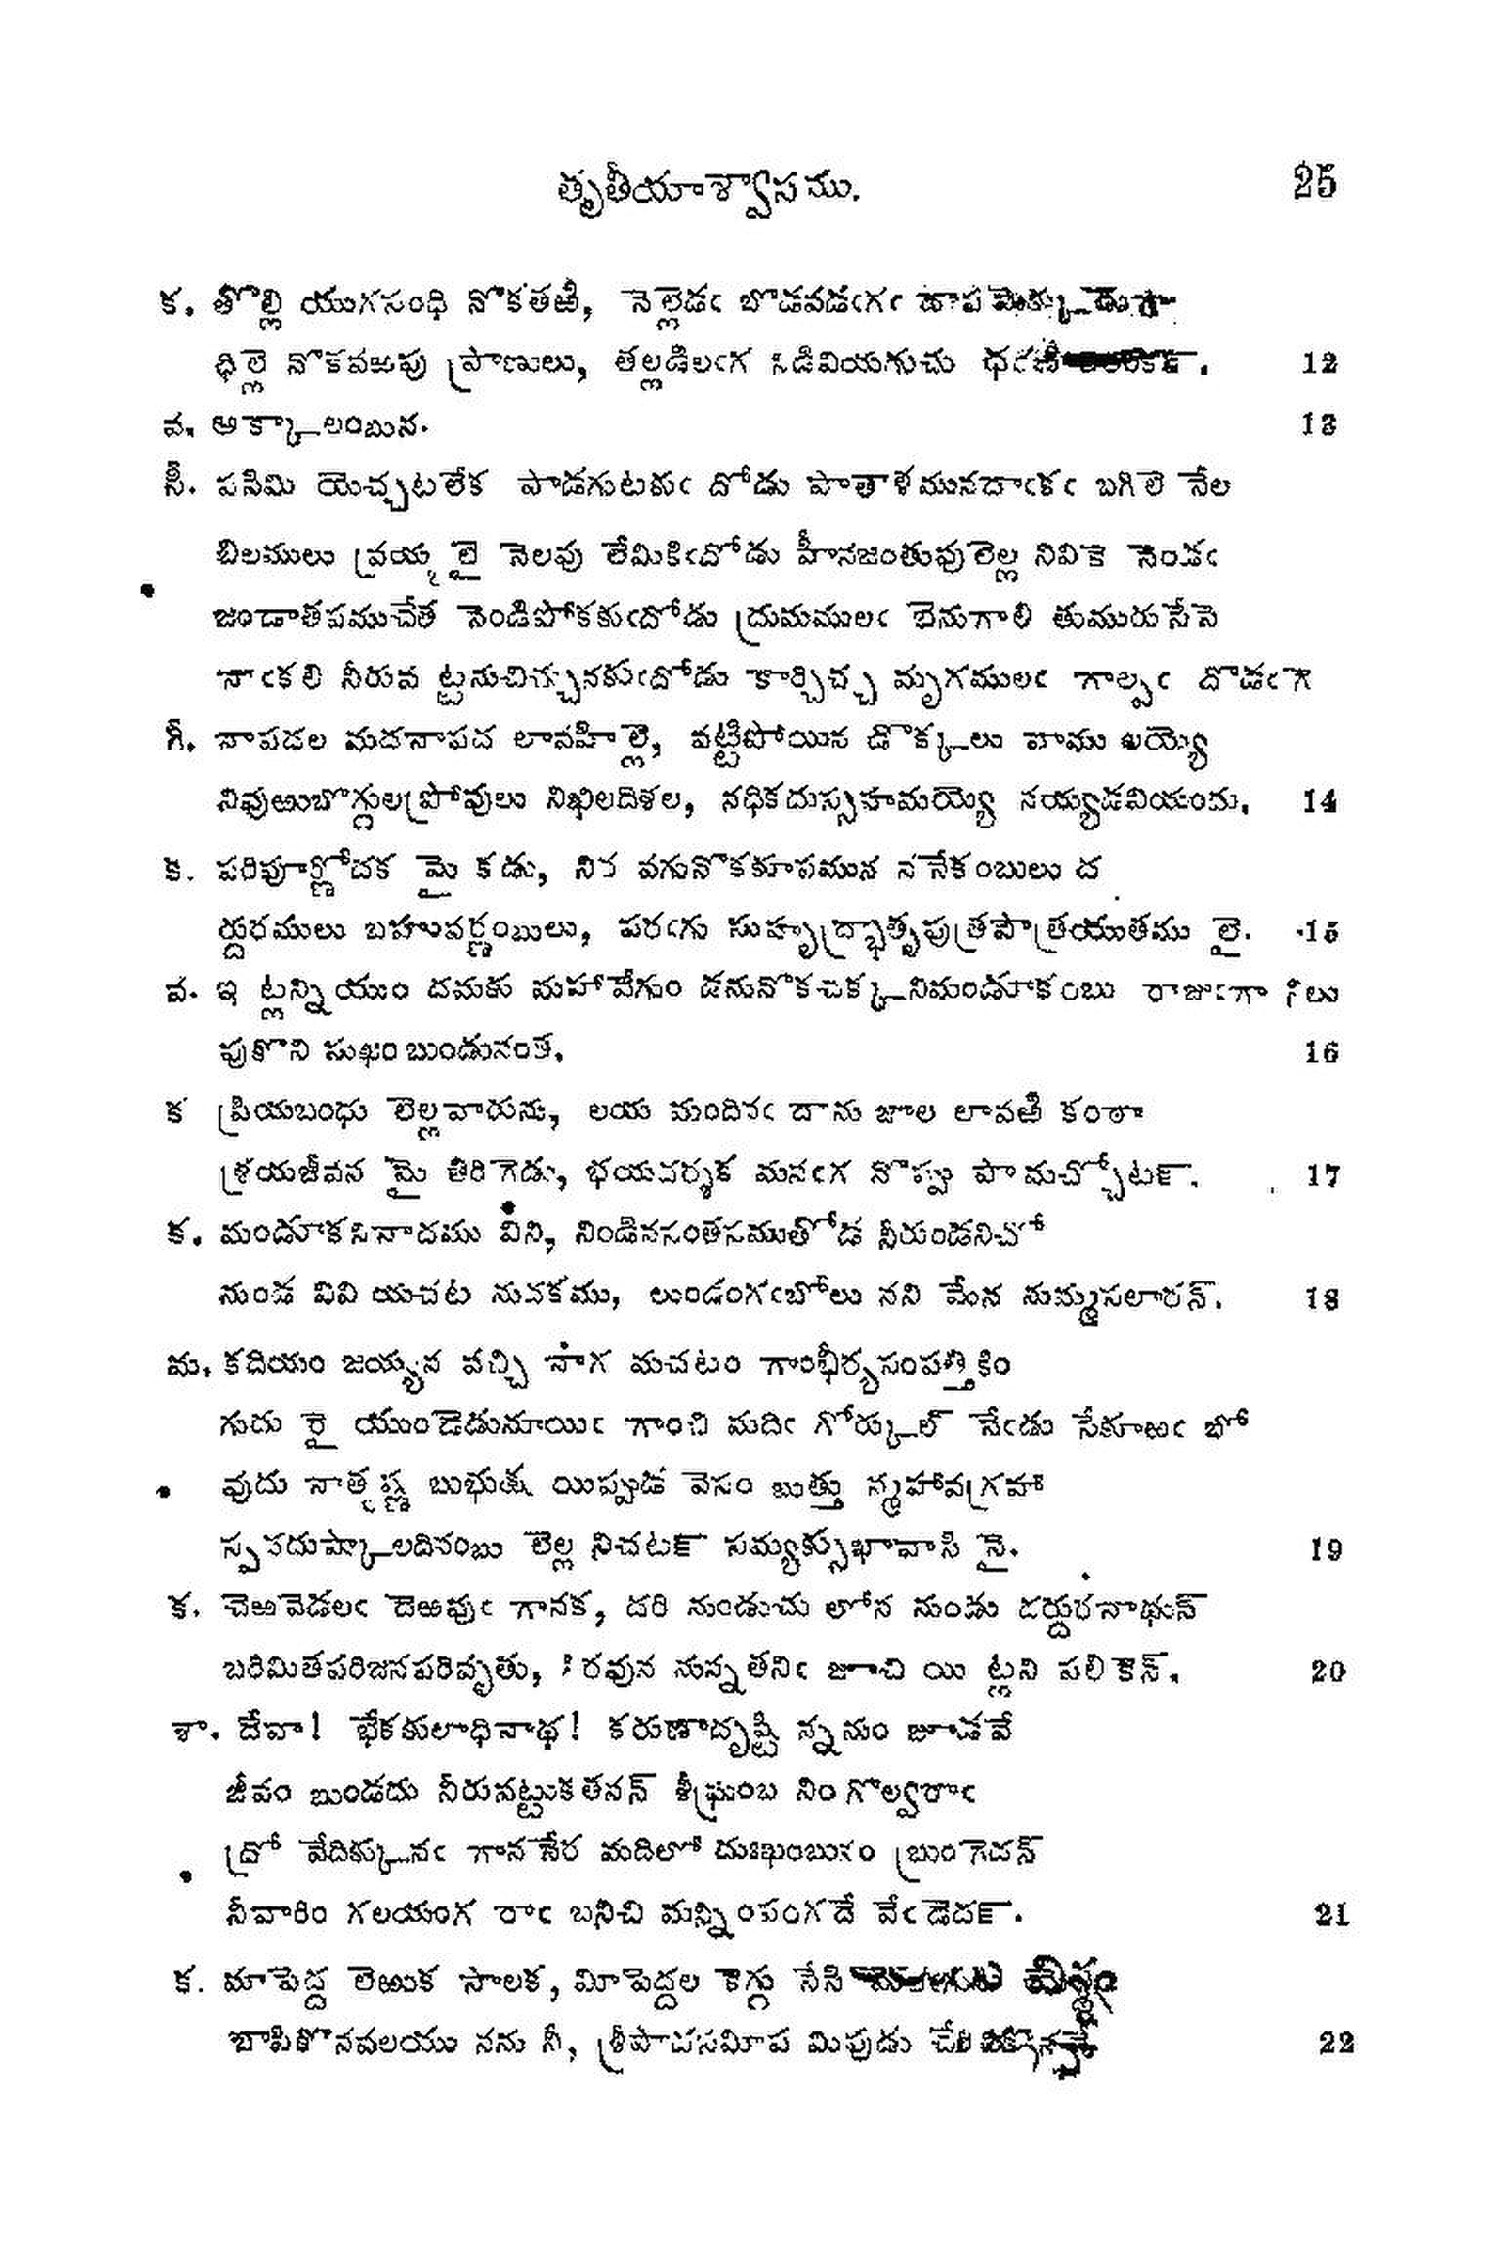క. తొల్లి యుగసంధి నొకతఱి, నెల్లెడఁ బొడవడఁగఁ దాప మెక్కుడు గా
 ధిల్లె నొకవఱపు ప్రాణులు, తల్లడిలఁగ నిడివియగుచు ధరణి కడంకన్.
వ. ఆక్కాలంబున.
సీ. పసిమి యెచ్చట లేక పాడగుటకుఁ దోడు పాతాళమునదాఁకఁ బగిలె నేల
 బిలములు వ్రయ్య లై నెలవు లేమికిఁదోడు హీనజంతువు లెల్ల నివికె నెండఁ
 జండాతపముచేత నెండిపోకకుఁదోడు ద్రుమములఁ బెనుగాలి తుమురుసేసె
 నాఁకలి నీరువ ట్టనుచిచ్చునకుఁదోడు కార్చిచ్చు మృగములఁ గాల్పఁ దొడఁగెఁ
గీ. నాపదల మదనాపద లావహిల్లె, వట్టిపోయిన డొక్కలు వాము లయ్యె
 నివుఱుబొగ్గులప్రోవులు నిఖిలదిశల, నధికదుస్సహమయ్యె నయ్యడవియందు.
క. పరిపూర్ణోదక మై కడు, నిర వగునొకకూపమున ననేకంబులు ద
 ర్దురములు బహువర్ణంబులు, పరఁగు సుహృద్భ్రాతృపుత్రపౌత్రయుతము లై.
వ. ఇట్లన్నియుం దమకు మహావేగుం డనునొకచక్కనిమండూకంబు రాజుఁగా నిలు
 పుకొని సుఖం బుండునంత.
క. ప్రియబంధు లెల్లవారును, లయ మందినఁ దాను జాల లావఱి కంఠా
 శ్రయజీవన మై తిరిగెడు, భయదర్శక మనఁగ నొప్పు పా మచ్చోటన్.
క. మండూకనినాదము విని, నిండినసంతసముతోడ నీరుండనిచో
 నుండ వివి యచట నుదకము, లుండంగఁబోలు నని మేన నుమ్మసలారన్.
మ. కదియం జయ్యన వచ్చి నాగ మచటం గాంభీర్యసంపత్తికిం
 గుదు రైయుండెడునూయిఁ గాంచి మదిఁ గోర్కుల్ నేఁడు సేకూఱఁ బో
 వుదు నాతృష్ణ బుభుక్ష యిప్పుడ వెసం బుత్తు న్మహావగ్రహా
 స్పదదుష్కాలదినంబు లెల్ల నిచటన్ సమ్యక్సుఖావాసి నై.
క. చెఱవెడలఁ డెఱువుఁ గానక, దరి నుండుచు లోన నుండు దర్దురనాథున్
 బరిమితపరిజనపరివృతు, నిరవున నున్నతనిఁ జూచి యి ట్లని పలికెన్.
శా. దేవా! భేకకులాధినాథ! కరుణాదృష్టి న్ననుం జూడవే
 జీవం బుండదు నీరువట్టుకతనన్ శీఘ్రంబ నిం గొల్వరాఁ
 ద్రో వేదిక్కునఁ గాననేర మదిలో దుఃఖంబునం బ్రుంగెదన్
 నీవారిం గలయంగ రాఁ బనిచి మన్నింపంగదే వేఁడెదన్.
క. మా పెద్ద లెఱుక సాలక, మీ పెద్దల కెగ్గు నేసి మలఁగుట చెయ్దం
 బాపికొనవలయు నను నీ, శ్రీపాదసమీప మిపుడు చేరితి కొల్వన్.